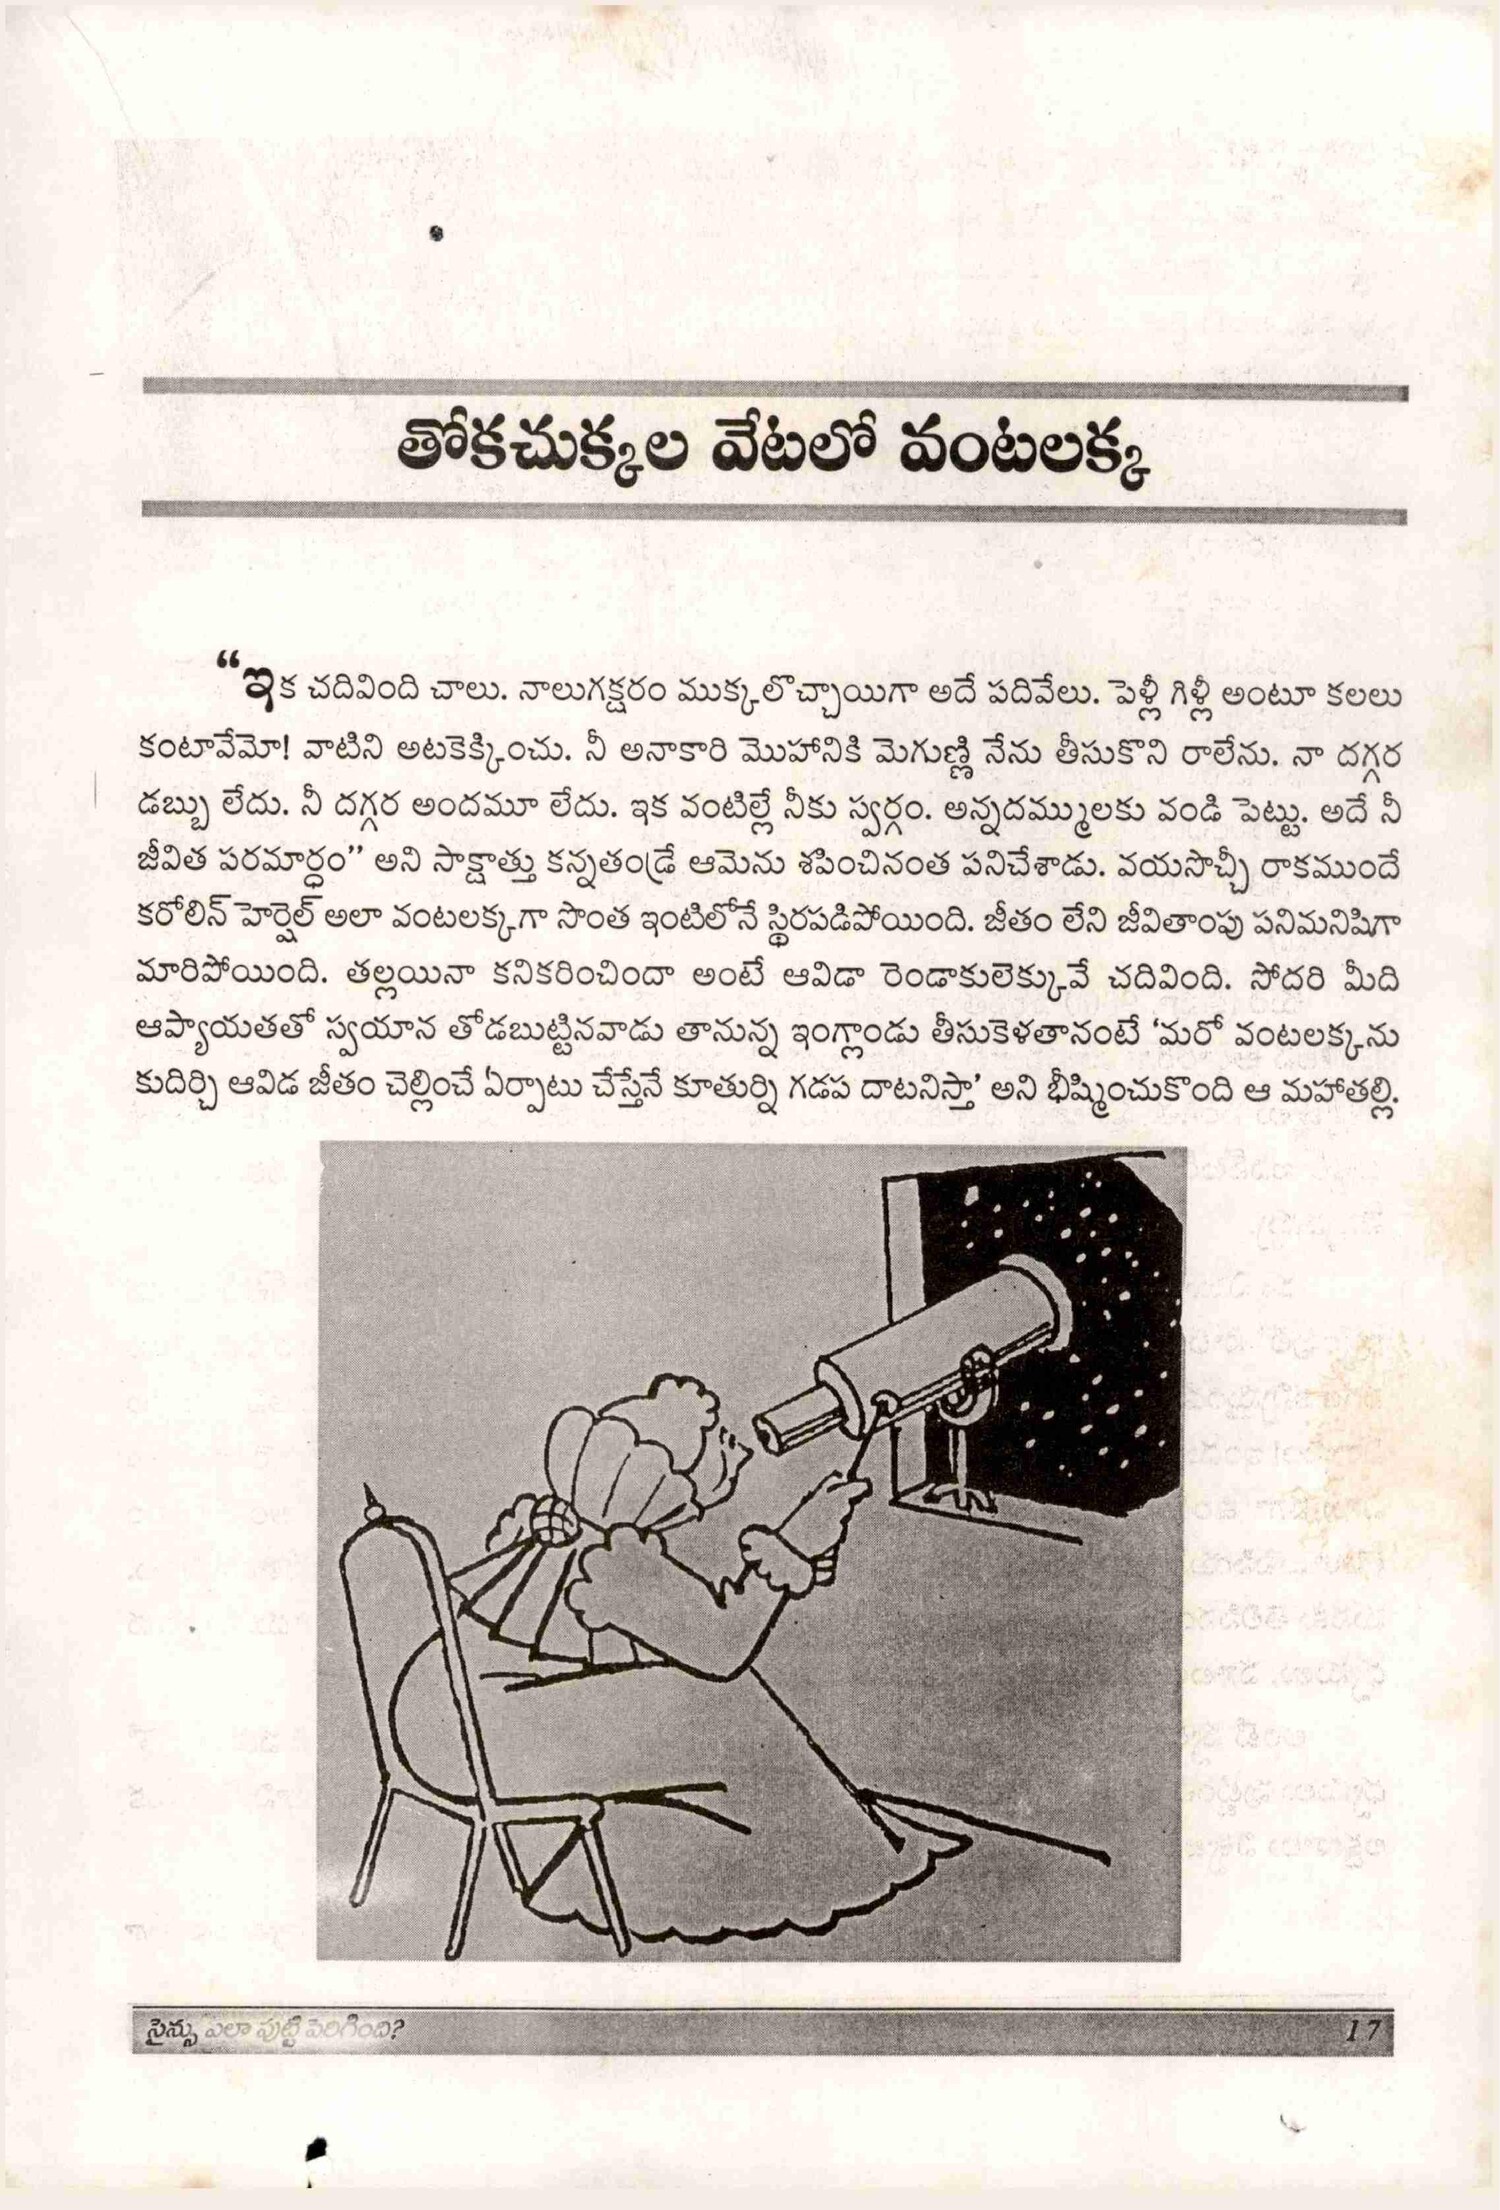తోకచుక్కల వేటలో వంటలక్క

“ఇక చదివింది చాలు. నాలుగక్షరం ముక్కలొచ్చాయిగా అదే పదివేలు. పెళ్లీ గిళ్లీ అంటూ కలలు కంటావేమో! వాటిని అటకెక్కించు. నీ అనాకారి మొహానికి మెగుణ్ణి నేను తీసుకొని రాలేను. నా దగ్గర డబ్బు లేదు. నీ దగ్గర అందమూ లేదు. ఇక వంటిల్లే నీకు స్వర్గం. అన్నదమ్ములకు వండి పెట్టు. అదే నీ జీవిత పరమార్ధం” అని సాక్షాత్తు కన్నతండ్రే ఆమెను శపించినంత పనిచేశాడు. వయసొచ్చీ రాకముందే కరోలిన్ హెర్షెల్ అలా వంటలక్కగా సొంత ఇంటిలోనే స్థిరపడిపోయింది. జీతం లేని జీవితాతంపు పనిమనిషిగా మారిపోయింది. తల్లయినా కనికరించిందా అంటే ఆవిడా రెండాకులెక్కువే చదివింది. సోదరి మీది ఆప్యాయతతో స్వయాన తోడబుట్టినవాడు తానున్న ఇంగ్లాండు తీసుకెళతానంటే 'మరో వంటలక్కను కుదిర్చి ఆవిడ జీతం చెల్లించే ఏర్పాటు చేస్తేనే కూతుర్ని గడప దాటనిస్తా' అని భీష్మించుకొంది ఆ మహాతల్లి.